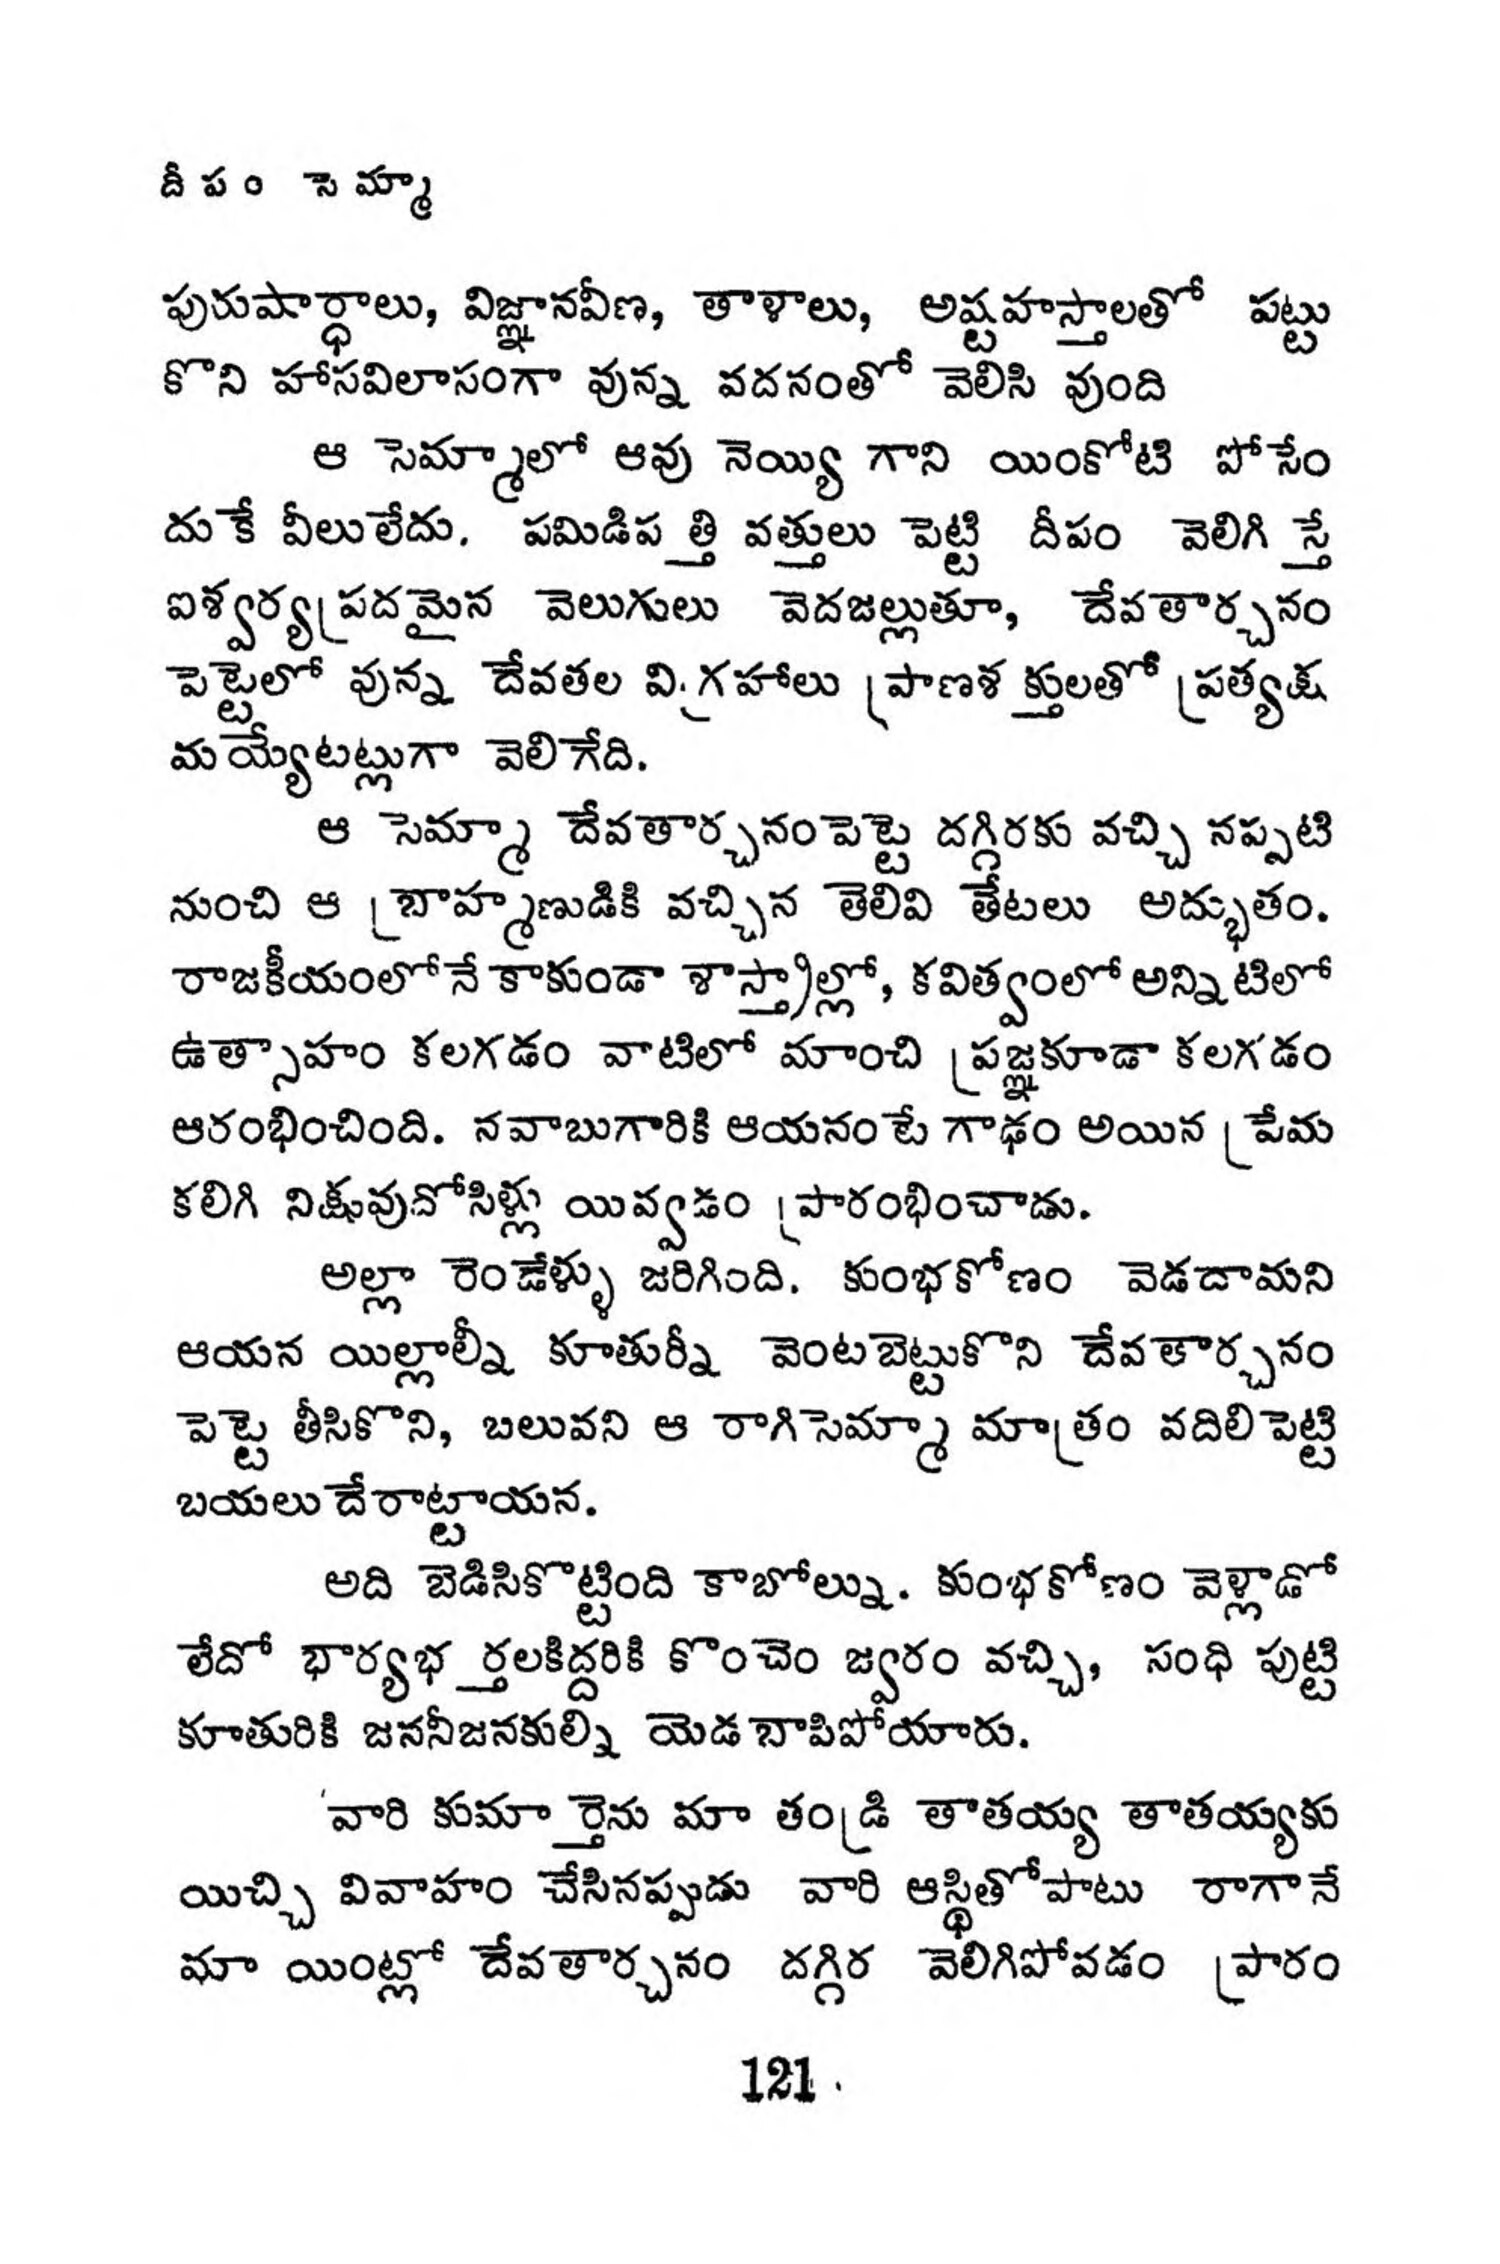పురుషార్ధాలు, విజ్ఞానవీణ, తాళాలు, అష్టహస్తాలతో పట్టుకొని హాసవిలాసంగా వున్న వదనంతో వెలిసి వుంది.

ఆ సెమ్మాలో ఆవు నెయ్యి గాని యింకోటి పోసేందుకే వీలులేదు. పమిడిపత్తి వత్తులు పెట్టి దీపం వెలిగిస్తే ఐశ్వర్యప్రదమైన వెలుగులు వెదజల్లుతూ, దేవతార్చనం పెట్టెలో వున్న దేవతల విగ్రహాలు ప్రాణశక్తులతో ప్రత్యక్ష మయ్యేటట్లుగా వెలిగేది.

ఆ సెమ్మా దేవతార్చనంపెట్టె దగ్గిరకు వచ్చి నప్పటి నుంచి ఆ బ్రాహ్మణుడికి వచ్చిన తెలివి తేటలు అద్భుతం. రాజకీయంలోనేకాకుండా శాస్త్రాల్లో, కవిత్వంలో అన్నిటిలో ఉత్సాహం కలగడం వాటిలో మాంచి ప్రజ్ఞకూడా కలగడం ఆరంభించింది. నవాబుగారికి ఆయనంటే గాఢం అయిన ప్రేమ కలిగి నిక్షువుదోసిళ్లు యివ్వడం ప్రారంభించాడు.

అల్లా రెండేళ్ళు జరిగింది. కుంభకోణం వెడదామని ఆయన యిల్లాల్నీ కూతుర్నీ వెంటబెట్టుకొని దేవతార్చనం పెట్టె తీసికొని, బలువని ఆ రాగిసెమ్మా మాత్రం వదిలిపెట్టి బయలుదేరాట్టాయన.

అది బెడిసికొట్టింది కాబోల్ను. కుంభకోణం వెళ్లాడో లేదో భార్యభర్తలకిద్దరికి కొంచెం జ్వరం వచ్చి, సంధి పుట్టి కూతురికి జననీజనకుల్ని యెడబాపిపోయారు.

వారి కుమార్తెను మా తండ్రి తాతయ్య తాతయ్యకు యిచ్చి వివాహం చేసినప్పుడు వారి ఆస్థితోపాటు రాగానే మా యింట్లో దేవతార్చనం దగ్గిర వెలిగిపోవడం ప్రారం